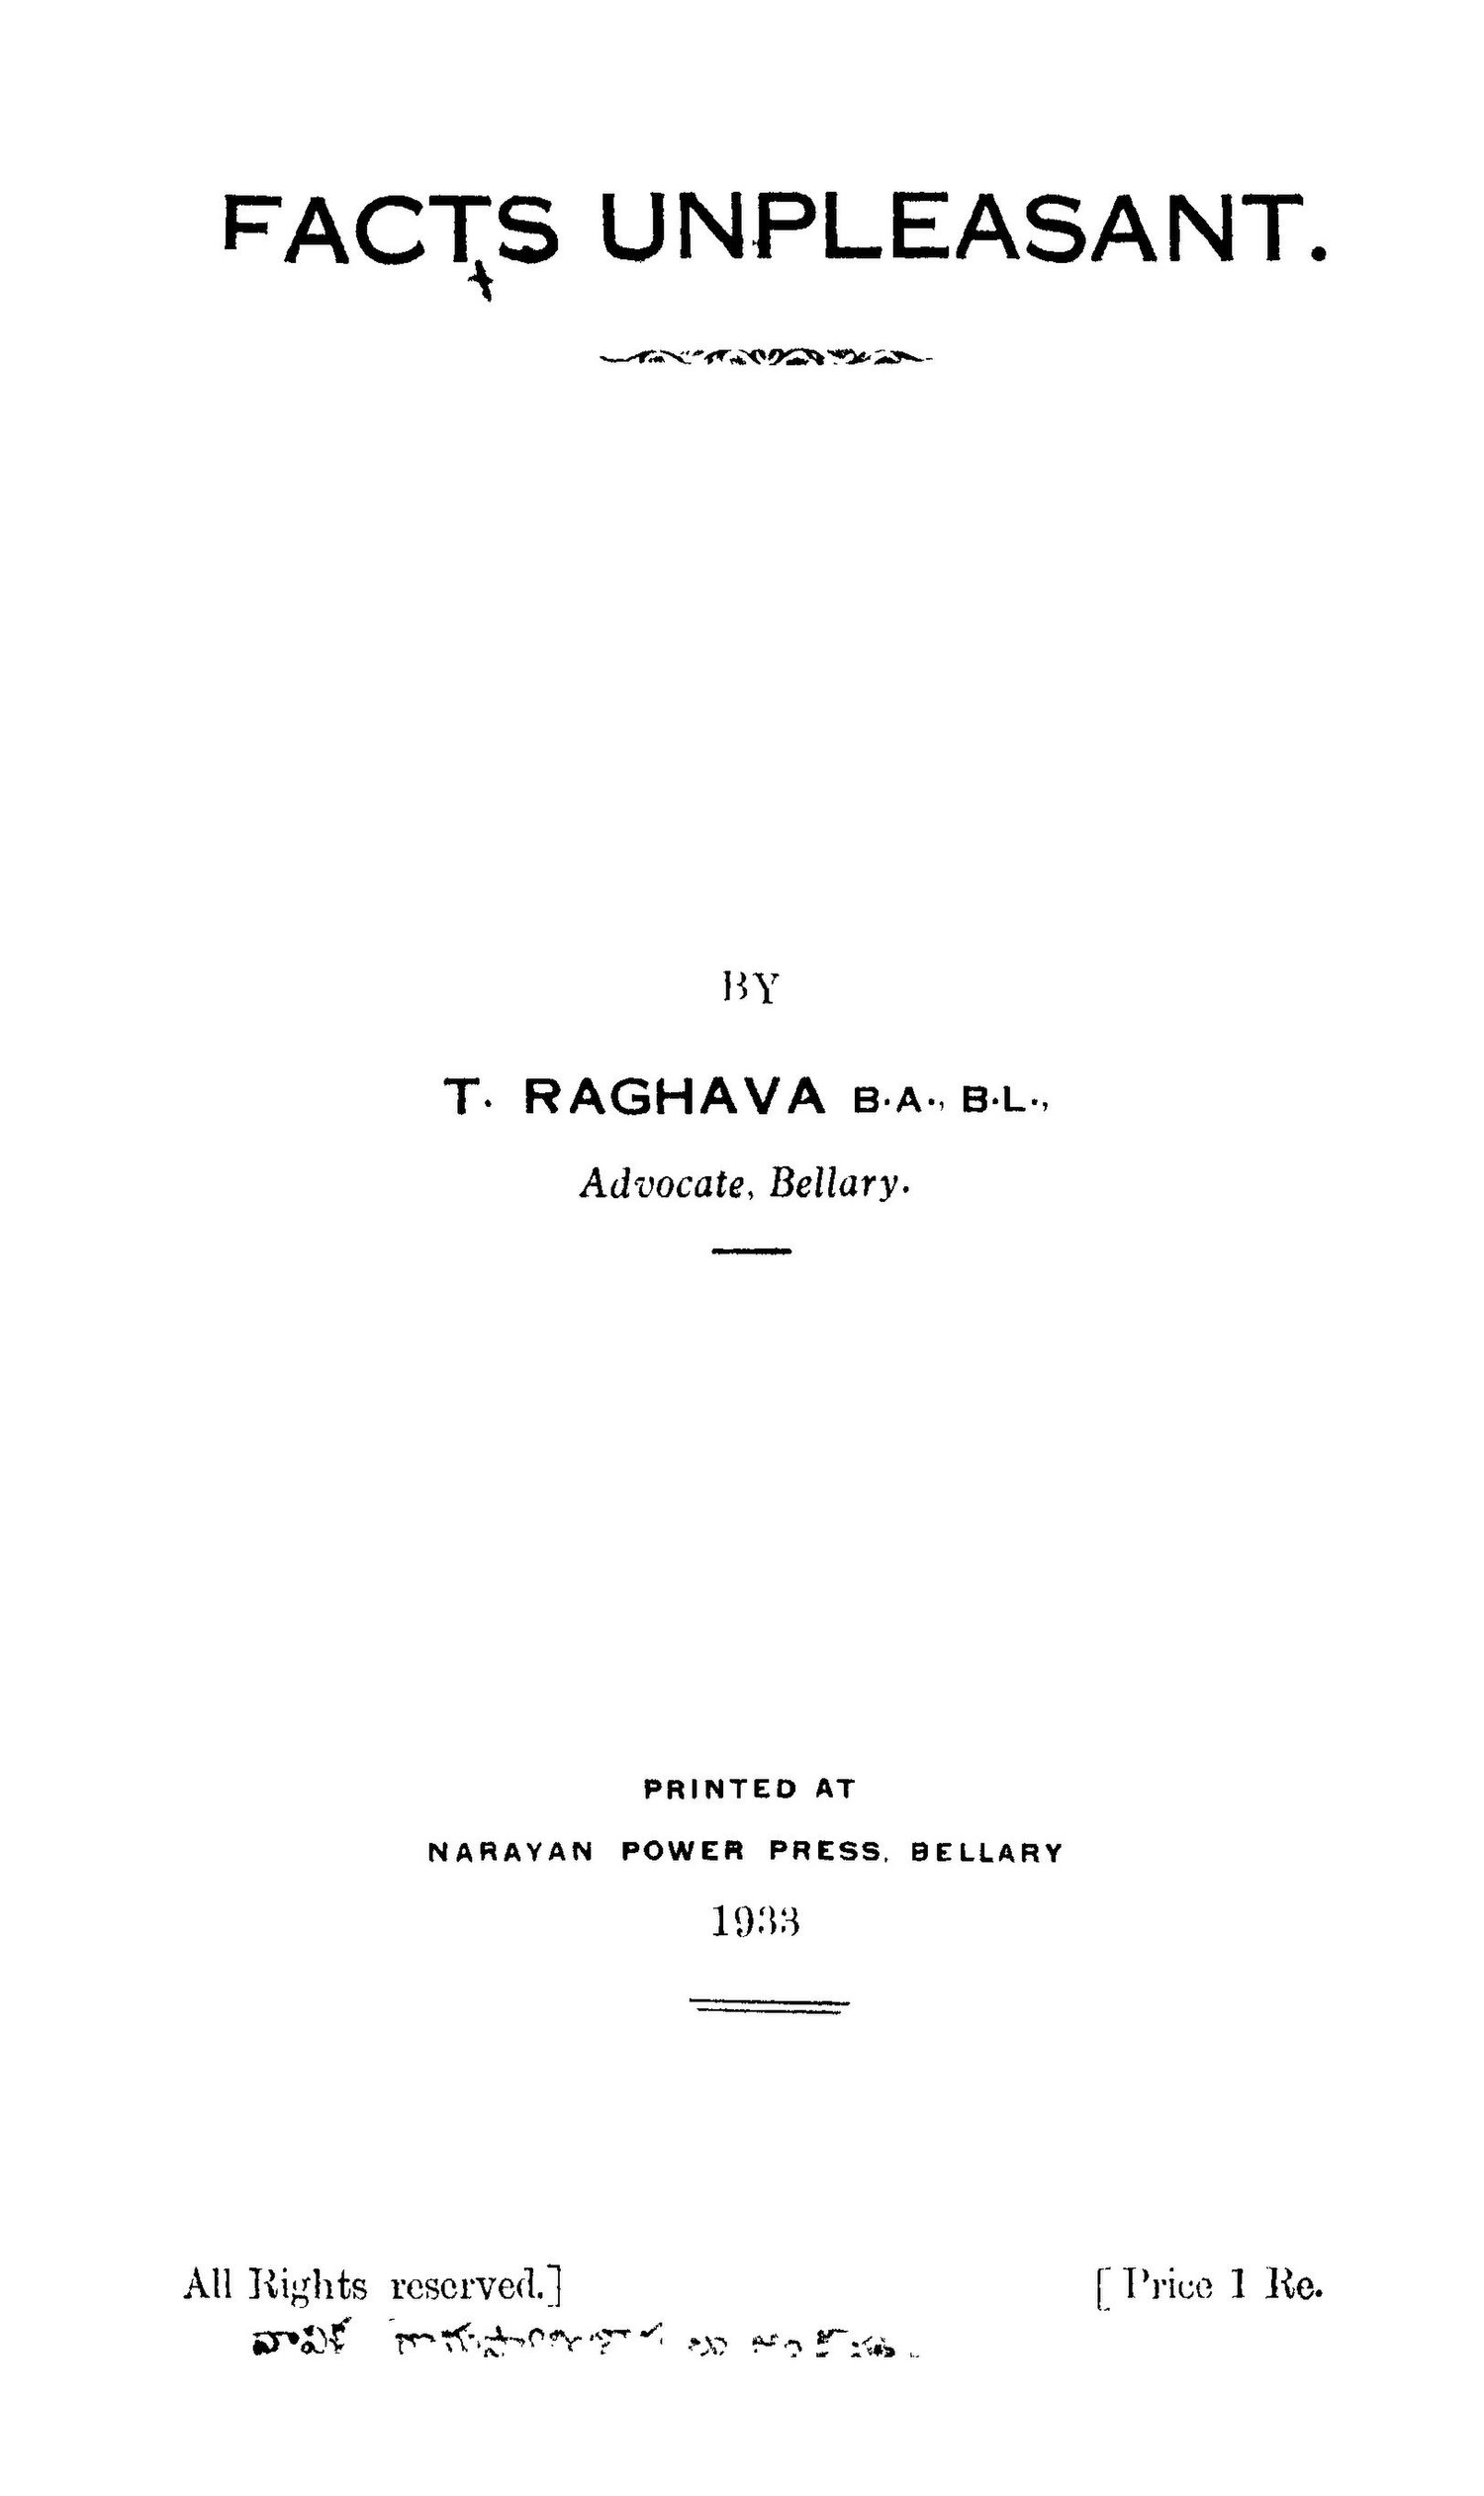All Rights Reserved

Price 1 Re.